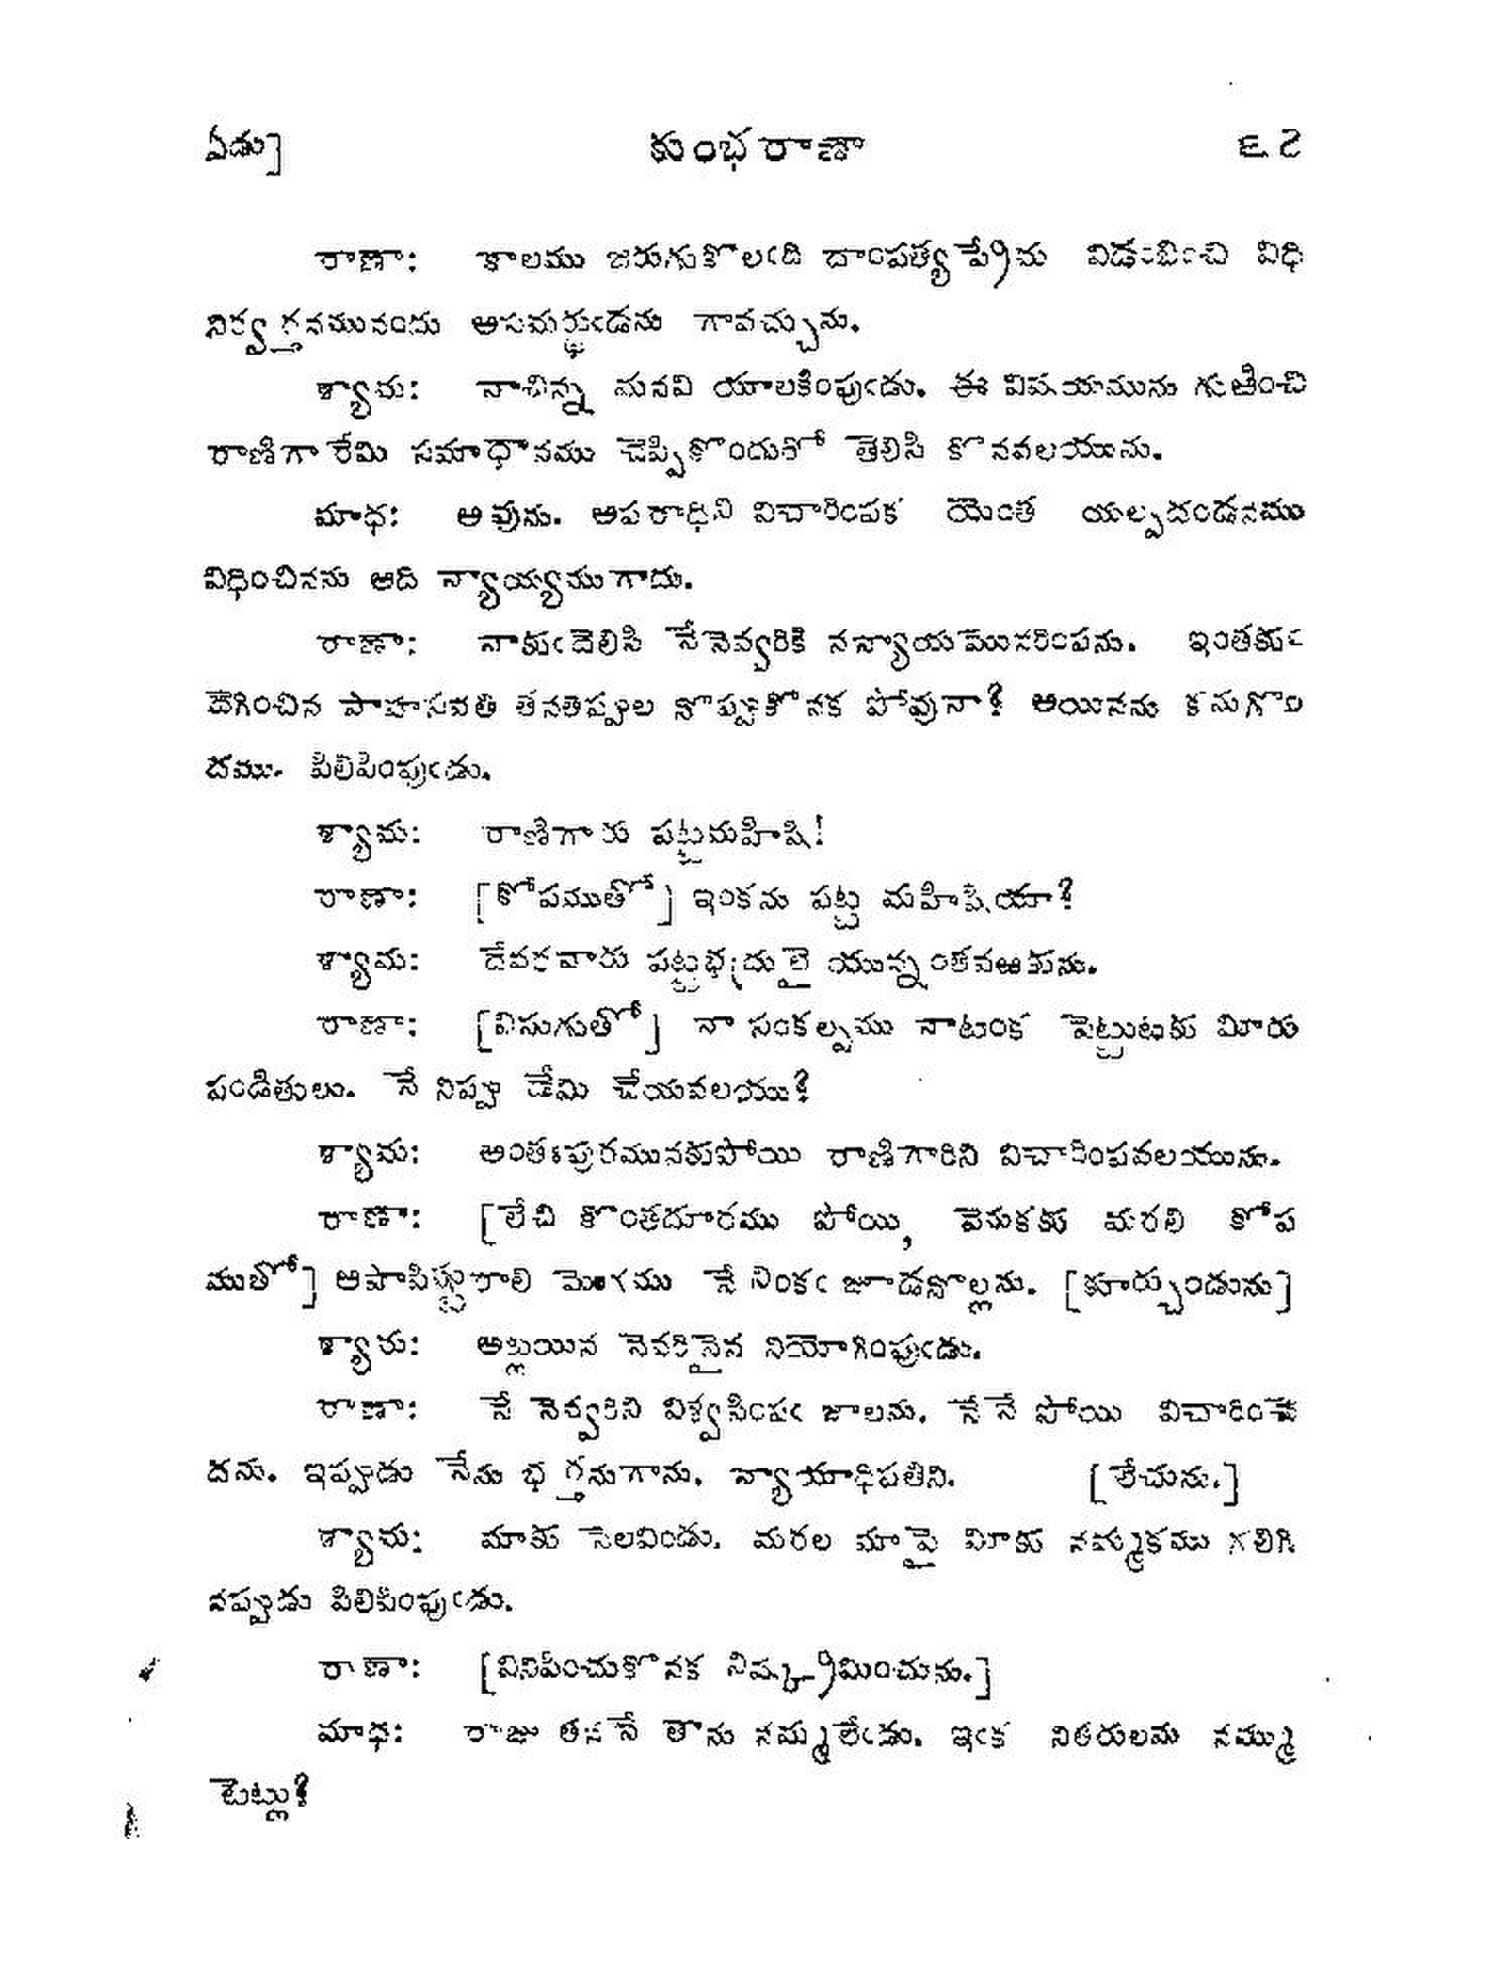రాణా : కాలము జరుగుకొలఁది దాంపత్యప్రేమ విడంబించి విధినిర్వర్తనమునందు అసమర్థుఁడను గావచ్చును.

శ్యామ : నాచిన్న మనవి యాలకింపుఁడు. ఈ విషయమును గుఱించి రాణిగారేమి సమాధానము చెప్పికొందురో తెలిసి కొనవలయును.

మాధ : అవును. అపరాధిని విచారింపక యెంత యల్పదండనము విధించినను అది న్యాయ్యముగాదు.

రాణా : నాకుఁదెలిసి నేనెవ్వరికి నన్యాయమొనరింపను. ఇంతకుఁ దెగించిన సాహసవతి తనతప్పుల నొప్పుకొనక పోవునా ? అయినను కనుగొందము. పిలిపింపుఁడు.

శ్యామ : రాణిగారు పట్టమహిషి !

రాణా : [కోపముతో] ఇంకను పట్ట మహిషియా ?

శ్యామ : దేవరవారు పట్టభద్రులై యున్నంతవఱకును.

రాణా : [విసుగుతో] నా సంకల్పము నాటంక పెట్టుటకు మీరు పండితులు. నే నిప్పు డేమి చేయవలయు?

శ్యామ : అంత:పురమునకుపోయి రాణిగారిని విచారింపవలయును.

రాణా : [లేచి కొంతదూరము పోయి, వెనుకకు మరలి కోపముతో] ఆపాపిష్టురాలి మొగము నే నింకఁ జూడనొల్లను. [కూర్చుండును]

శ్యామ : అట్లయిన నెవరినైన నియోగింపుఁడు.

రాణా : నే నెవ్వరిని విశ్వసింపఁ జాలను. నేనే పోయి విచారించెదను. ఇప్పుడు నేను భర్తనుగాను. న్యాయాధిపతిని. [లేచును.]

శ్యామ : మాకు సెలవిండు. మరల మాపై మీకు నమ్మకము గలిగినప్పుడు పిలిపింపుఁడు.

రాణా : [వినిపించుకొనక నిష్క్రమించును.]

మాధ : రాజు తననే తాను నమ్మలేఁడు. ఇఁక నితరులను నమ్ముటెట్లు ?